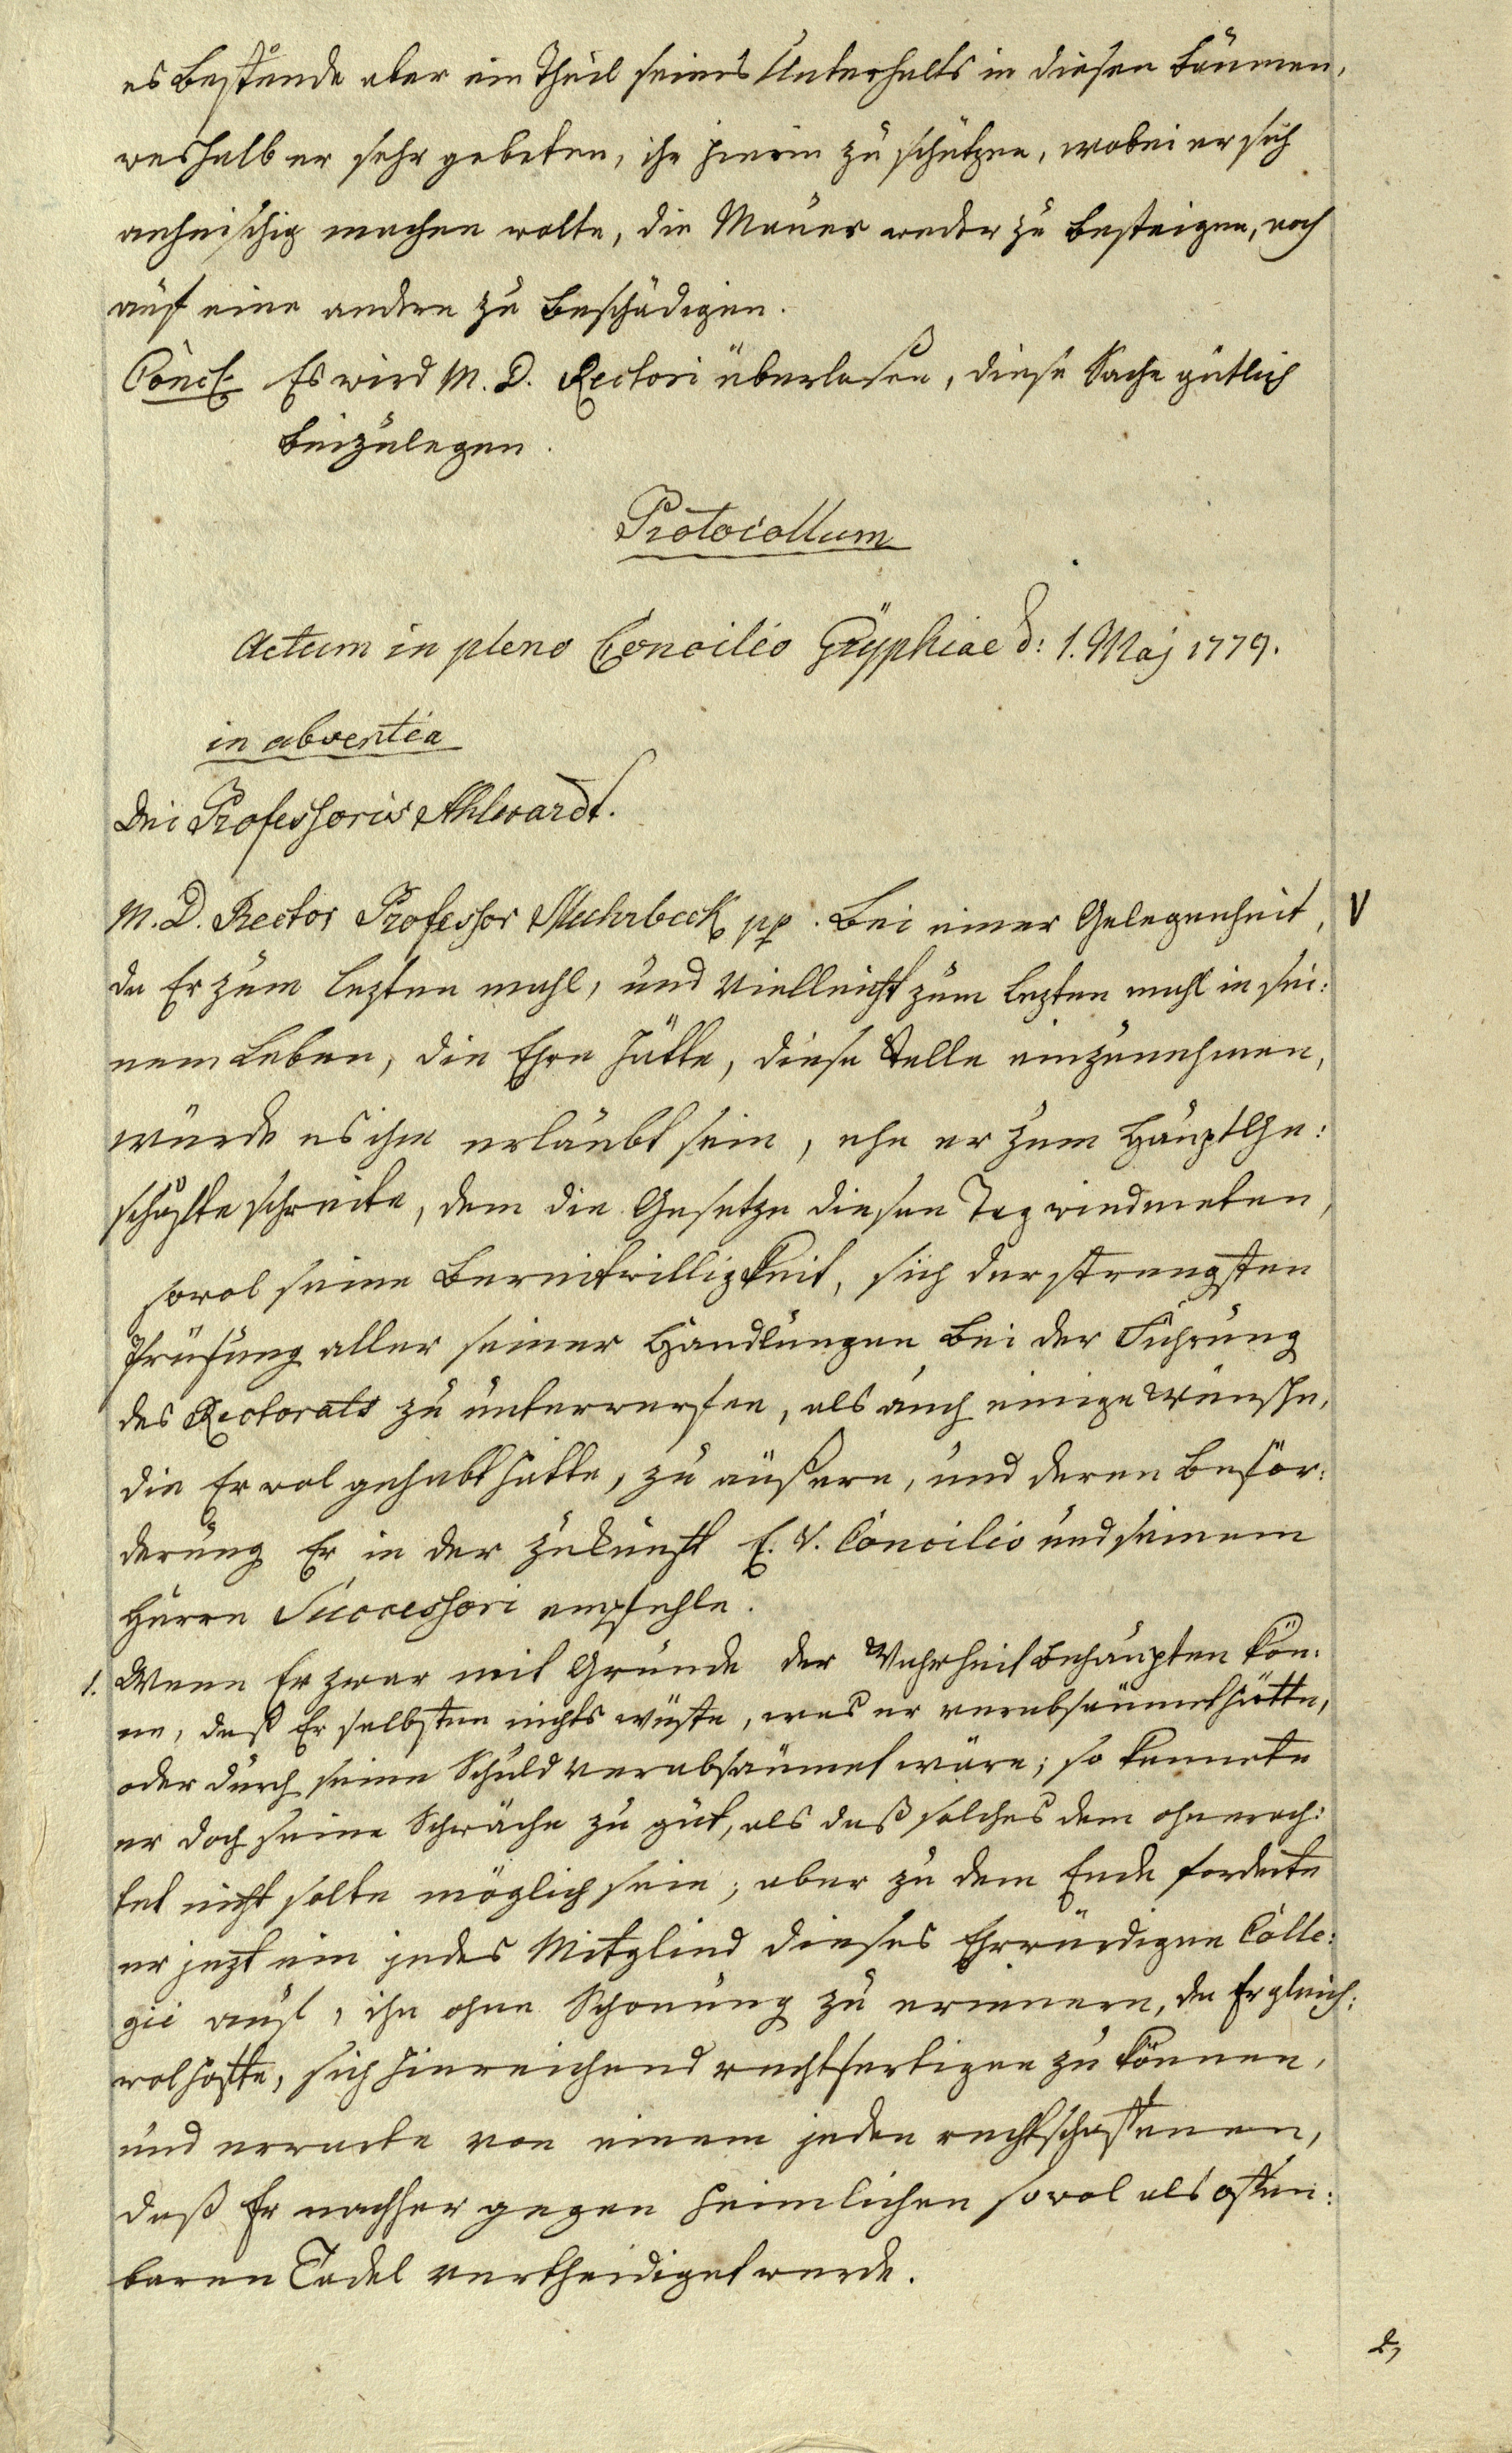er bestünde aber ein Theil seines Unterhalts in diesen Bäumen,
weshalb er sehr gebeten, ihn hierin zu schützen, wobei er sich
anheischig machen wolte, die Mauer weder zu besteigen, noch
auf eine andere zu beschädigen.
Concl. Es wird M. D. Rectori überlaßen, diese Sache gütlich
beizulegen.
Protocollum
Actum in pleno Concilio Grÿphiae d. 1. Maj 1779.
in absentia
Dni Professoris Ahlwardt.
M. D. Rector Professor Muhrbeck pp. Bei einer Gelegenheit,
da Er zum lezten mahl, und vielleicht zum lezten mahl in sei¬
nem Leben, die Ehre hätte, diese Stelle einzunehmen,
würde es ihm erlaubt sein, ehe Er zum Hauptge¬
schäfte schreite, dem die Gesetze diesen Tag widmeten,
wol seine Bereitwilligkeit, sich der strengsten
Prüfung aller seiner Handlungen bei der Führung
des Rectorats zu unterwerfen, als auch einige Wünsche,
die Er wol gehabt hätte, zu äußern, und deren Beför¬
derung Er in der Zukunft E. V. Concilio und seinem
Herrn Successori empfehle.
1. Wenn Er zwar mit Gründe der Wahrheit behaupten kön¬
ne, daß Er selbsten nichts wüste, was er verabsäumet hätte,
oder durch seine Schuld verabsäumet wäre; so kennete
er doch seine Schwäche zu gut, als daß solches dem ohnerach¬
tet nicht solte möglich sein, aber zu dem Ende forderte
er jezt ein jedes Mitglied dieses Ehrwürdigen Colle¬
gii auf, ihn ohne Schonung zu erinnern, da Er gleich¬
wol hoffte, sich hinreichend rechtfertigen zu können,
und erwartevon einem jeden rechtschaffenen,
daß Er nachher gegen heimlichen sowol als offen¬
baren Tadel vertheidiget werde.